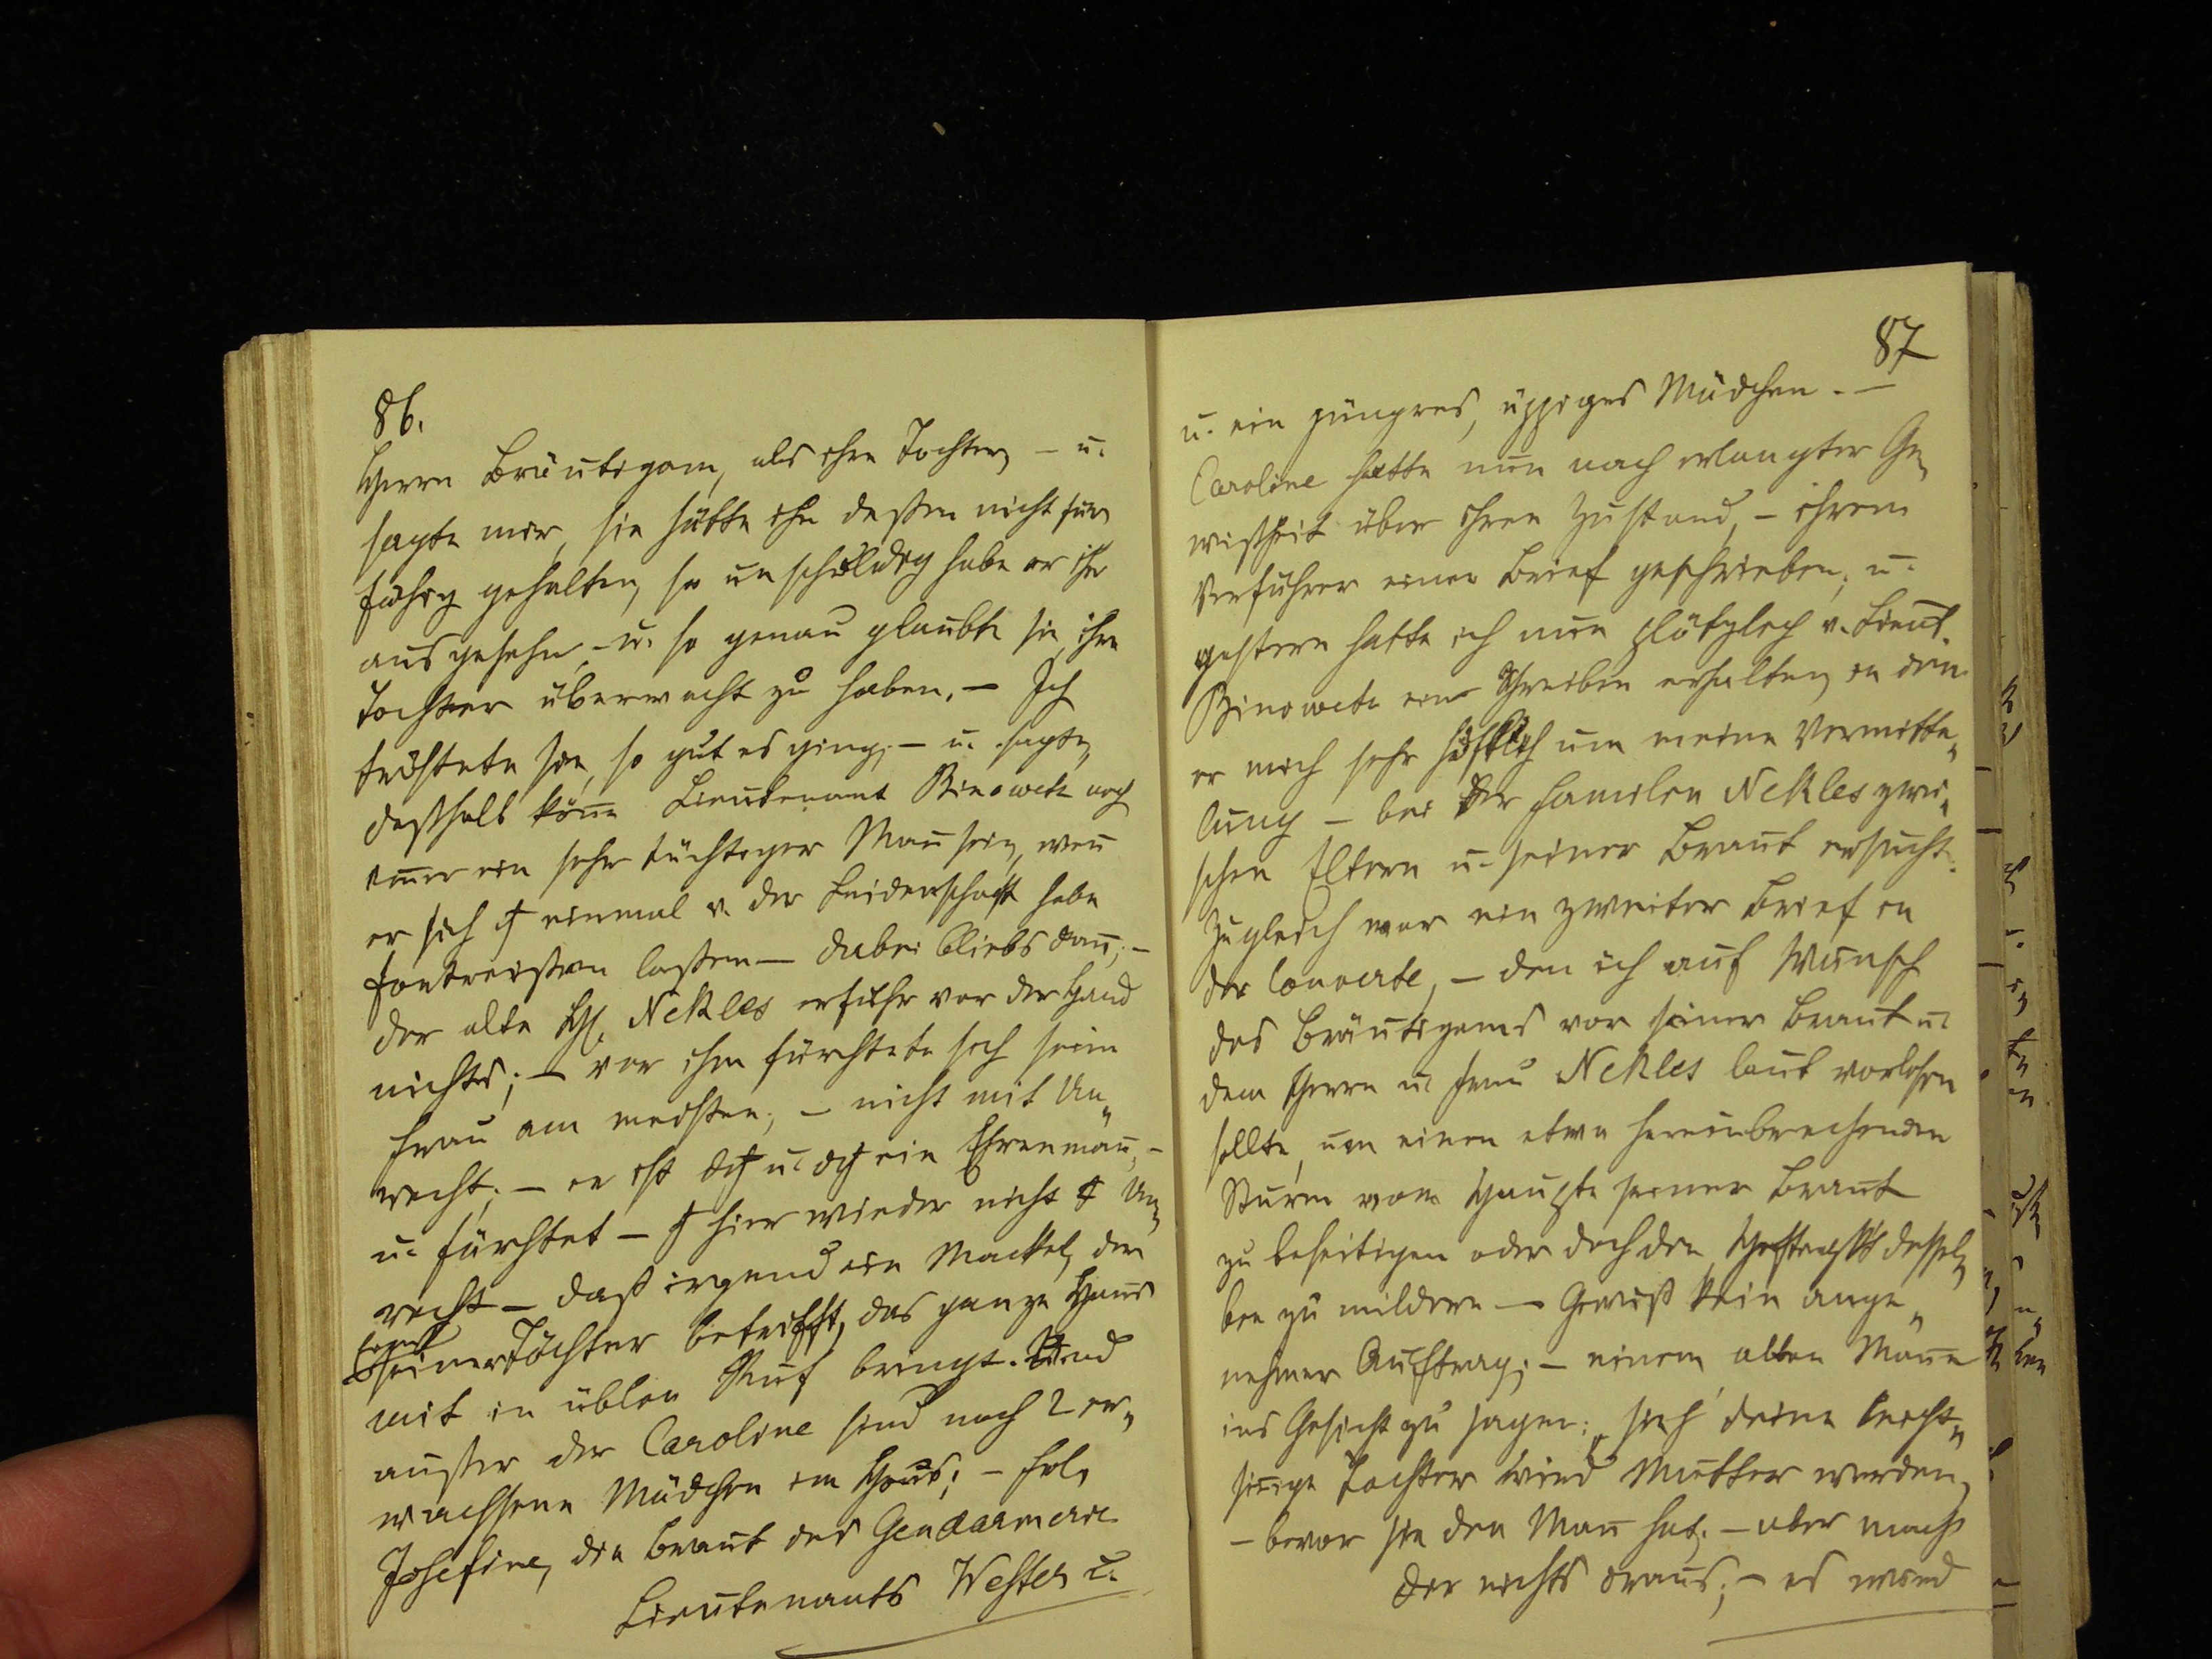86
ihren Bräutigam, als ihre Tochter - und
sagte mir , sie hätte ihn deßen nicht für
fähig gehalten so unschuldig habe er ihr
ausgesehen und so genau glaubte sie ihre
Tochter überwacht zu haben.-Ich
tröstete sie so gut es ging –und sagte
deßhalb könne Lieutenant Binowek noch
immer ein sehr tüchtiger Mann sein, wenn
er sich auch einmal von der Leidenschaft habe
fortreißen lassen.- dabei blieb‘s dann.
Der alte H. Nekles erfuhr vor der Hand
nichts.- vor ihm fürchtete sich seine
Frau am meisten.-nicht mit Un¬
recht, - er ist durch und durch ein Ehrenmann
und fürchtet, - auch hier wieder nicht mit Un¬
recht –das irgendein Makel die
Ehre seiner Töchter betrifft , das ganze Haus
mit in übler Ruf bringt.- Und
außer der Caroline sind noch 2 er¬
wachsene Mädchen im Haus;- Frl..
Josefine die Braut des Gendarmarie
Lieutenents Westers und
87
und ein jüngeres, üppiges Mädchen.
Caroline hatte nun nach erlangter Ge¬
wißheit über ihren Zustand, -ihrem
Verführer einen Brief geschrieben;- und
gestern hatte ich nun plötzlich von Lieutenant
Binowek ein Schreiben erhalten in dem
er mich sehr höflich um eine Vermitt¬
lung – bei der Familie Nekles zwi¬
schen Eltern und seiner Braut ersuchte.
Zugleich war ein zweiter Brief in
der Couverte, - den ich auf Wunsch
des Bräutigams vor seiner Braut und
dem Herrn und Frau Nekles laut vorlesen
sollte, um einen etwa herübereisenden
Sturm vom haupt seiner Braut
zu beseitigen odr doch den Haupttheil dessel¬
ben zu mildern – Gewiß kein Ang¬
nehmer Auftrag, - einem alten Mann
ins Gesicht zu sagen:“Sieh deine leicht¬
fertige Tochter wird Mutter werden
– bevor sie den Mann hat: - aber mach
die nicht’s draus, - es wird